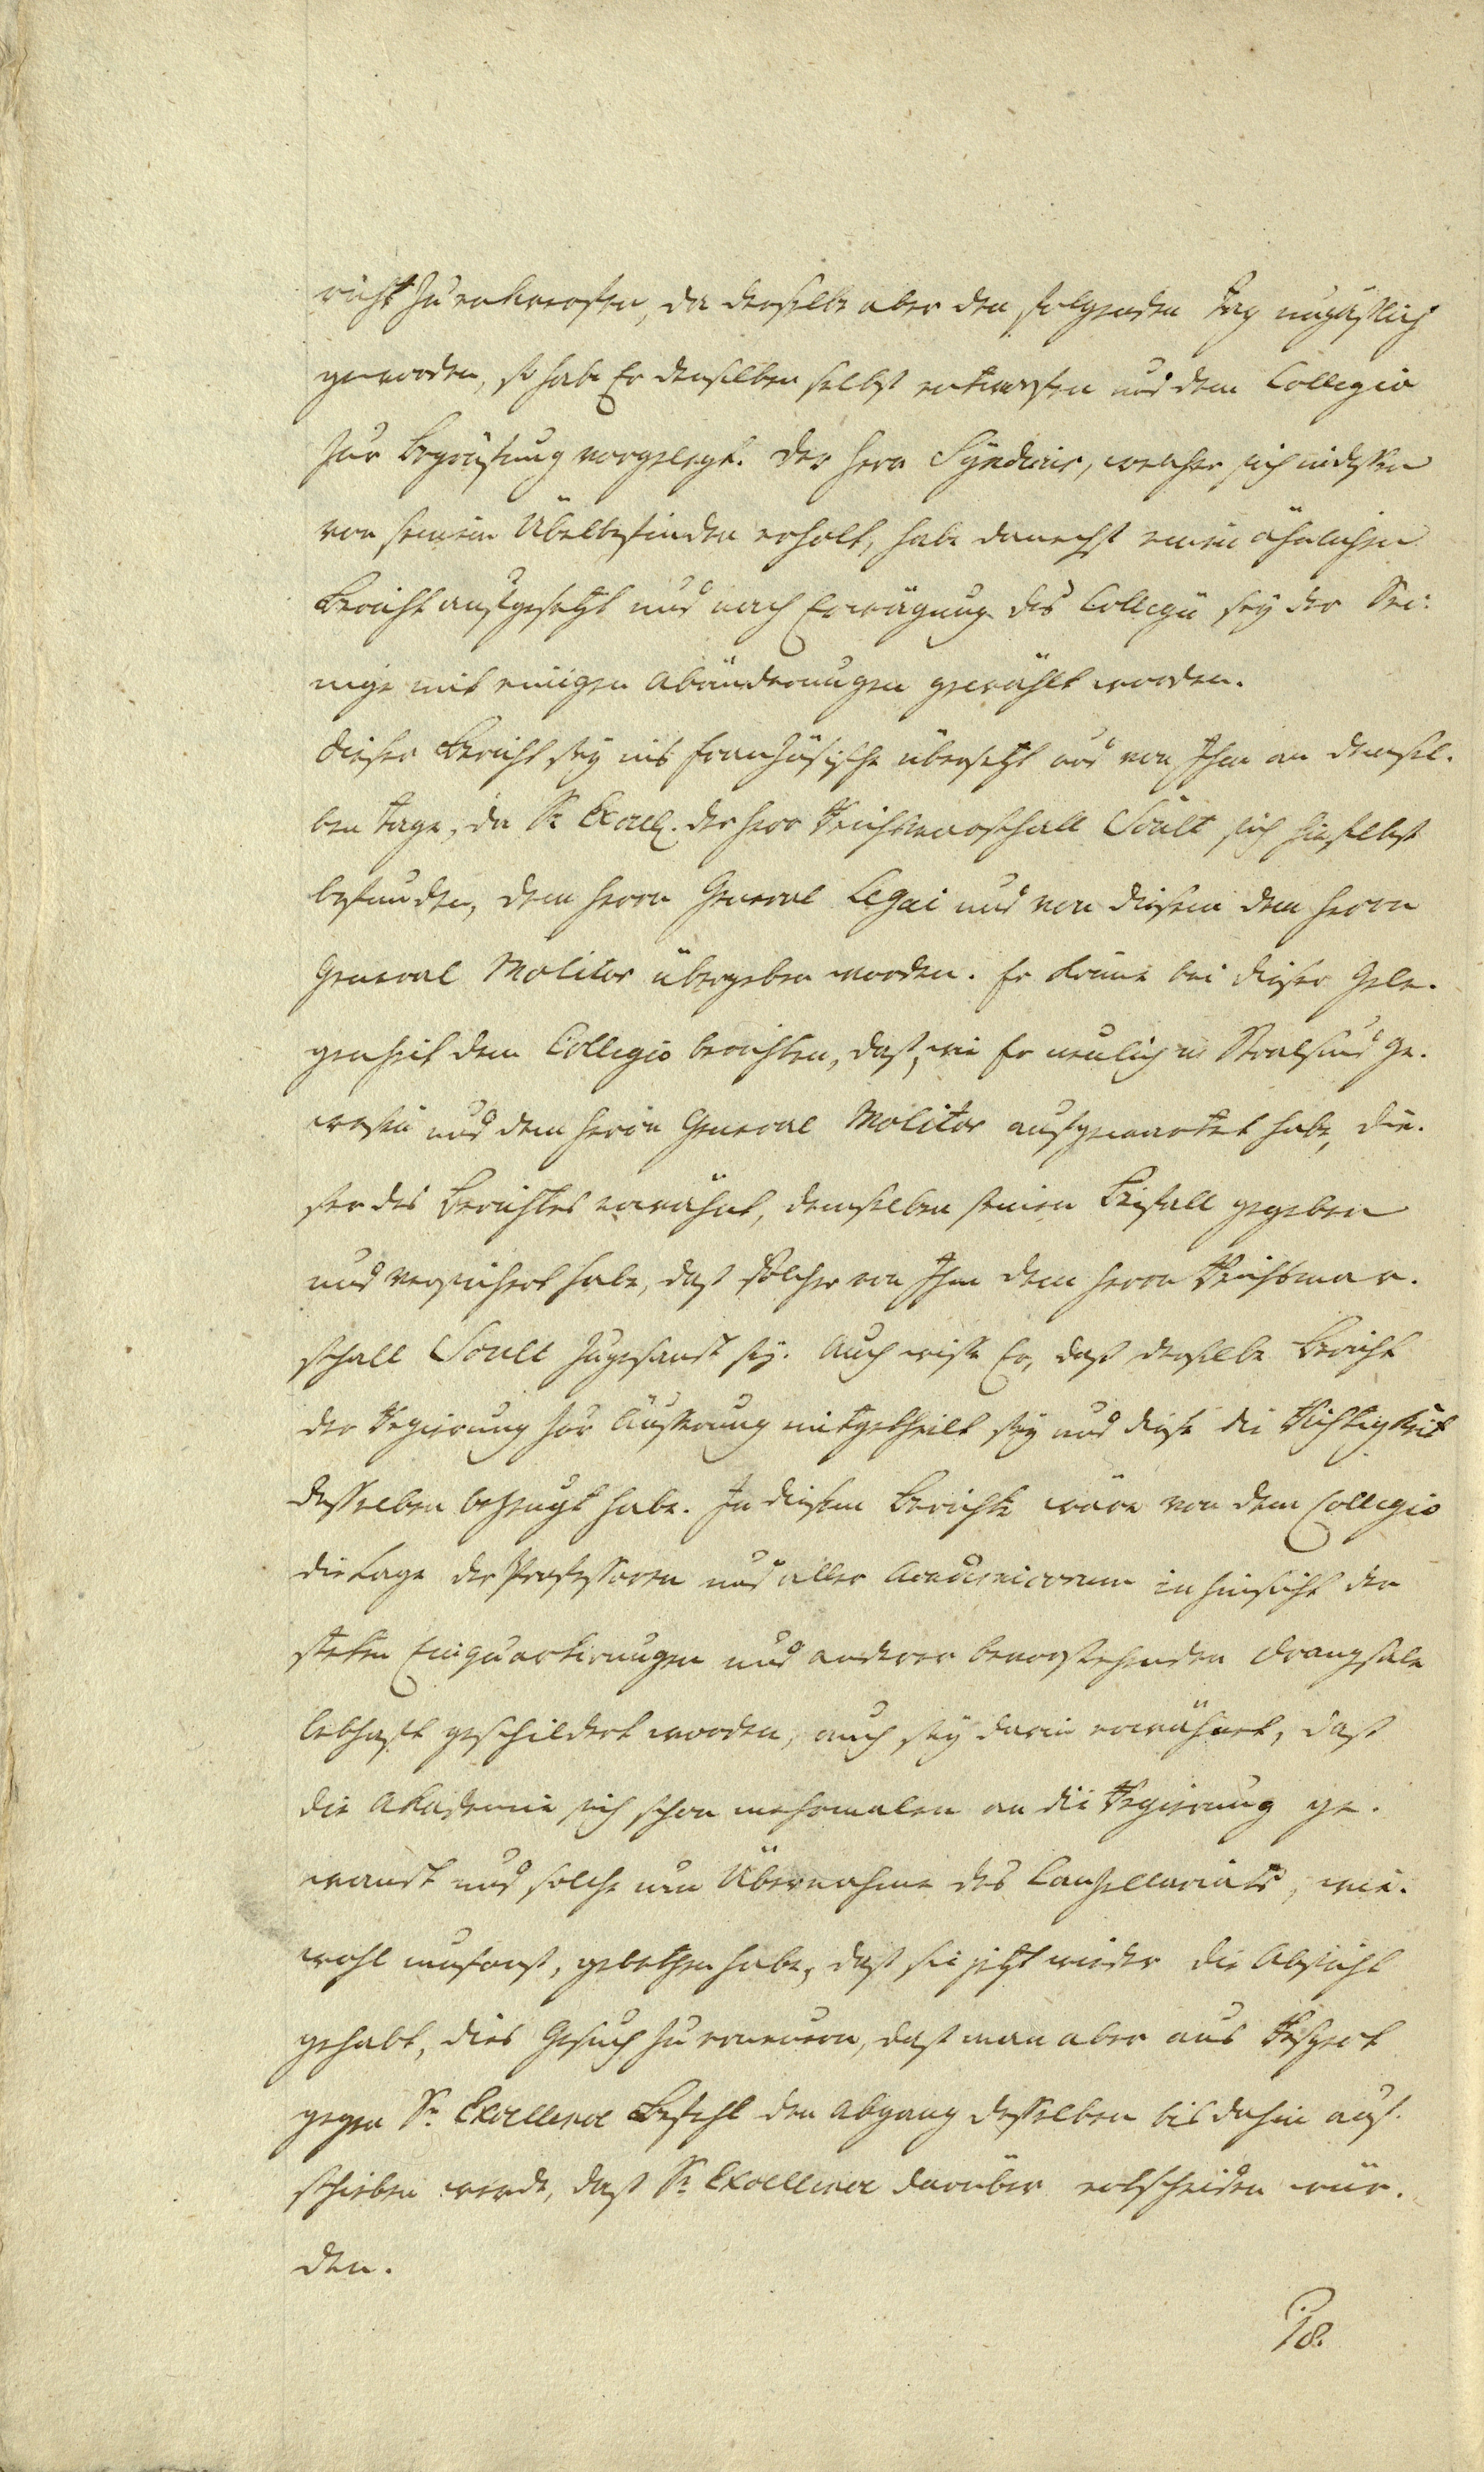richt zu entwerfen, da derselbe aber den folgenden Tag unpäßlich
geworden, so habe Er denselben selbst entworfen und dem Collegio
zur Beprüfung vorgelegt. Der Herr Sÿndicus, welcher sich indessen
von seinem Übelbefinden erholt, habe danechst einen ähnlichen
Bericht ausgesetzt und nach Erwägung des Collegii seÿ der Sei¬
nige mit einigen Abänderungen gewählt worden.
Dieser Bericht seÿ ins Französische übersetzt und von Ihm an densel¬
ben Tage, da Sr Excell. der Herr Reichsmarschall Soult sich hieselbst
befunden, dem Herrn General Legai und von diesem dem Herrn
General Molitor übergeben worden. Er könne bei dieser Gele¬
genheit dem Collegio berichten, daß, wie Er neulich in Stralsund ge¬
wesen und dem Herrn General Molitor aufgewartet habe, die¬
ser des Berichtes erwähnt, demselben seinen Beifall gegeben
und versichert habe, daß solcher von Ihm dem Herrn Reichsmar¬
schall Soult zugesandt seÿ. Auch wisse Er, daß derselbe Bericht
der Regierung zur Äusserung mitgetheilt seÿ und diese die Richtigkeit
desselben bezeugt habe. In diesem Berichte wäre von dem Collegio
die Lage der Professoren und aller Academicorum in Hinsicht der
stehen Einquartirungen und anderer bevorstehenden Drangsale
lebhaft geschildert worden, auch seÿ darin erwähnet, daß
die Akademie sich schon mehrmalen an die Regierung ge¬
wandt und solche um Übernahme des Canzellariats, wie¬
wohl umsonst, gebethen habe, daß sie jetzt wieder die Absicht
gehabt, dies Gesuch zu erneuern, daß man aber aus Respect
gegen Sr. Excellence Befehl den Abgang desselben bis dahin auf¬
schieben werde, daß Sr Excellence darüber entscheiden wür¬
den.
18.